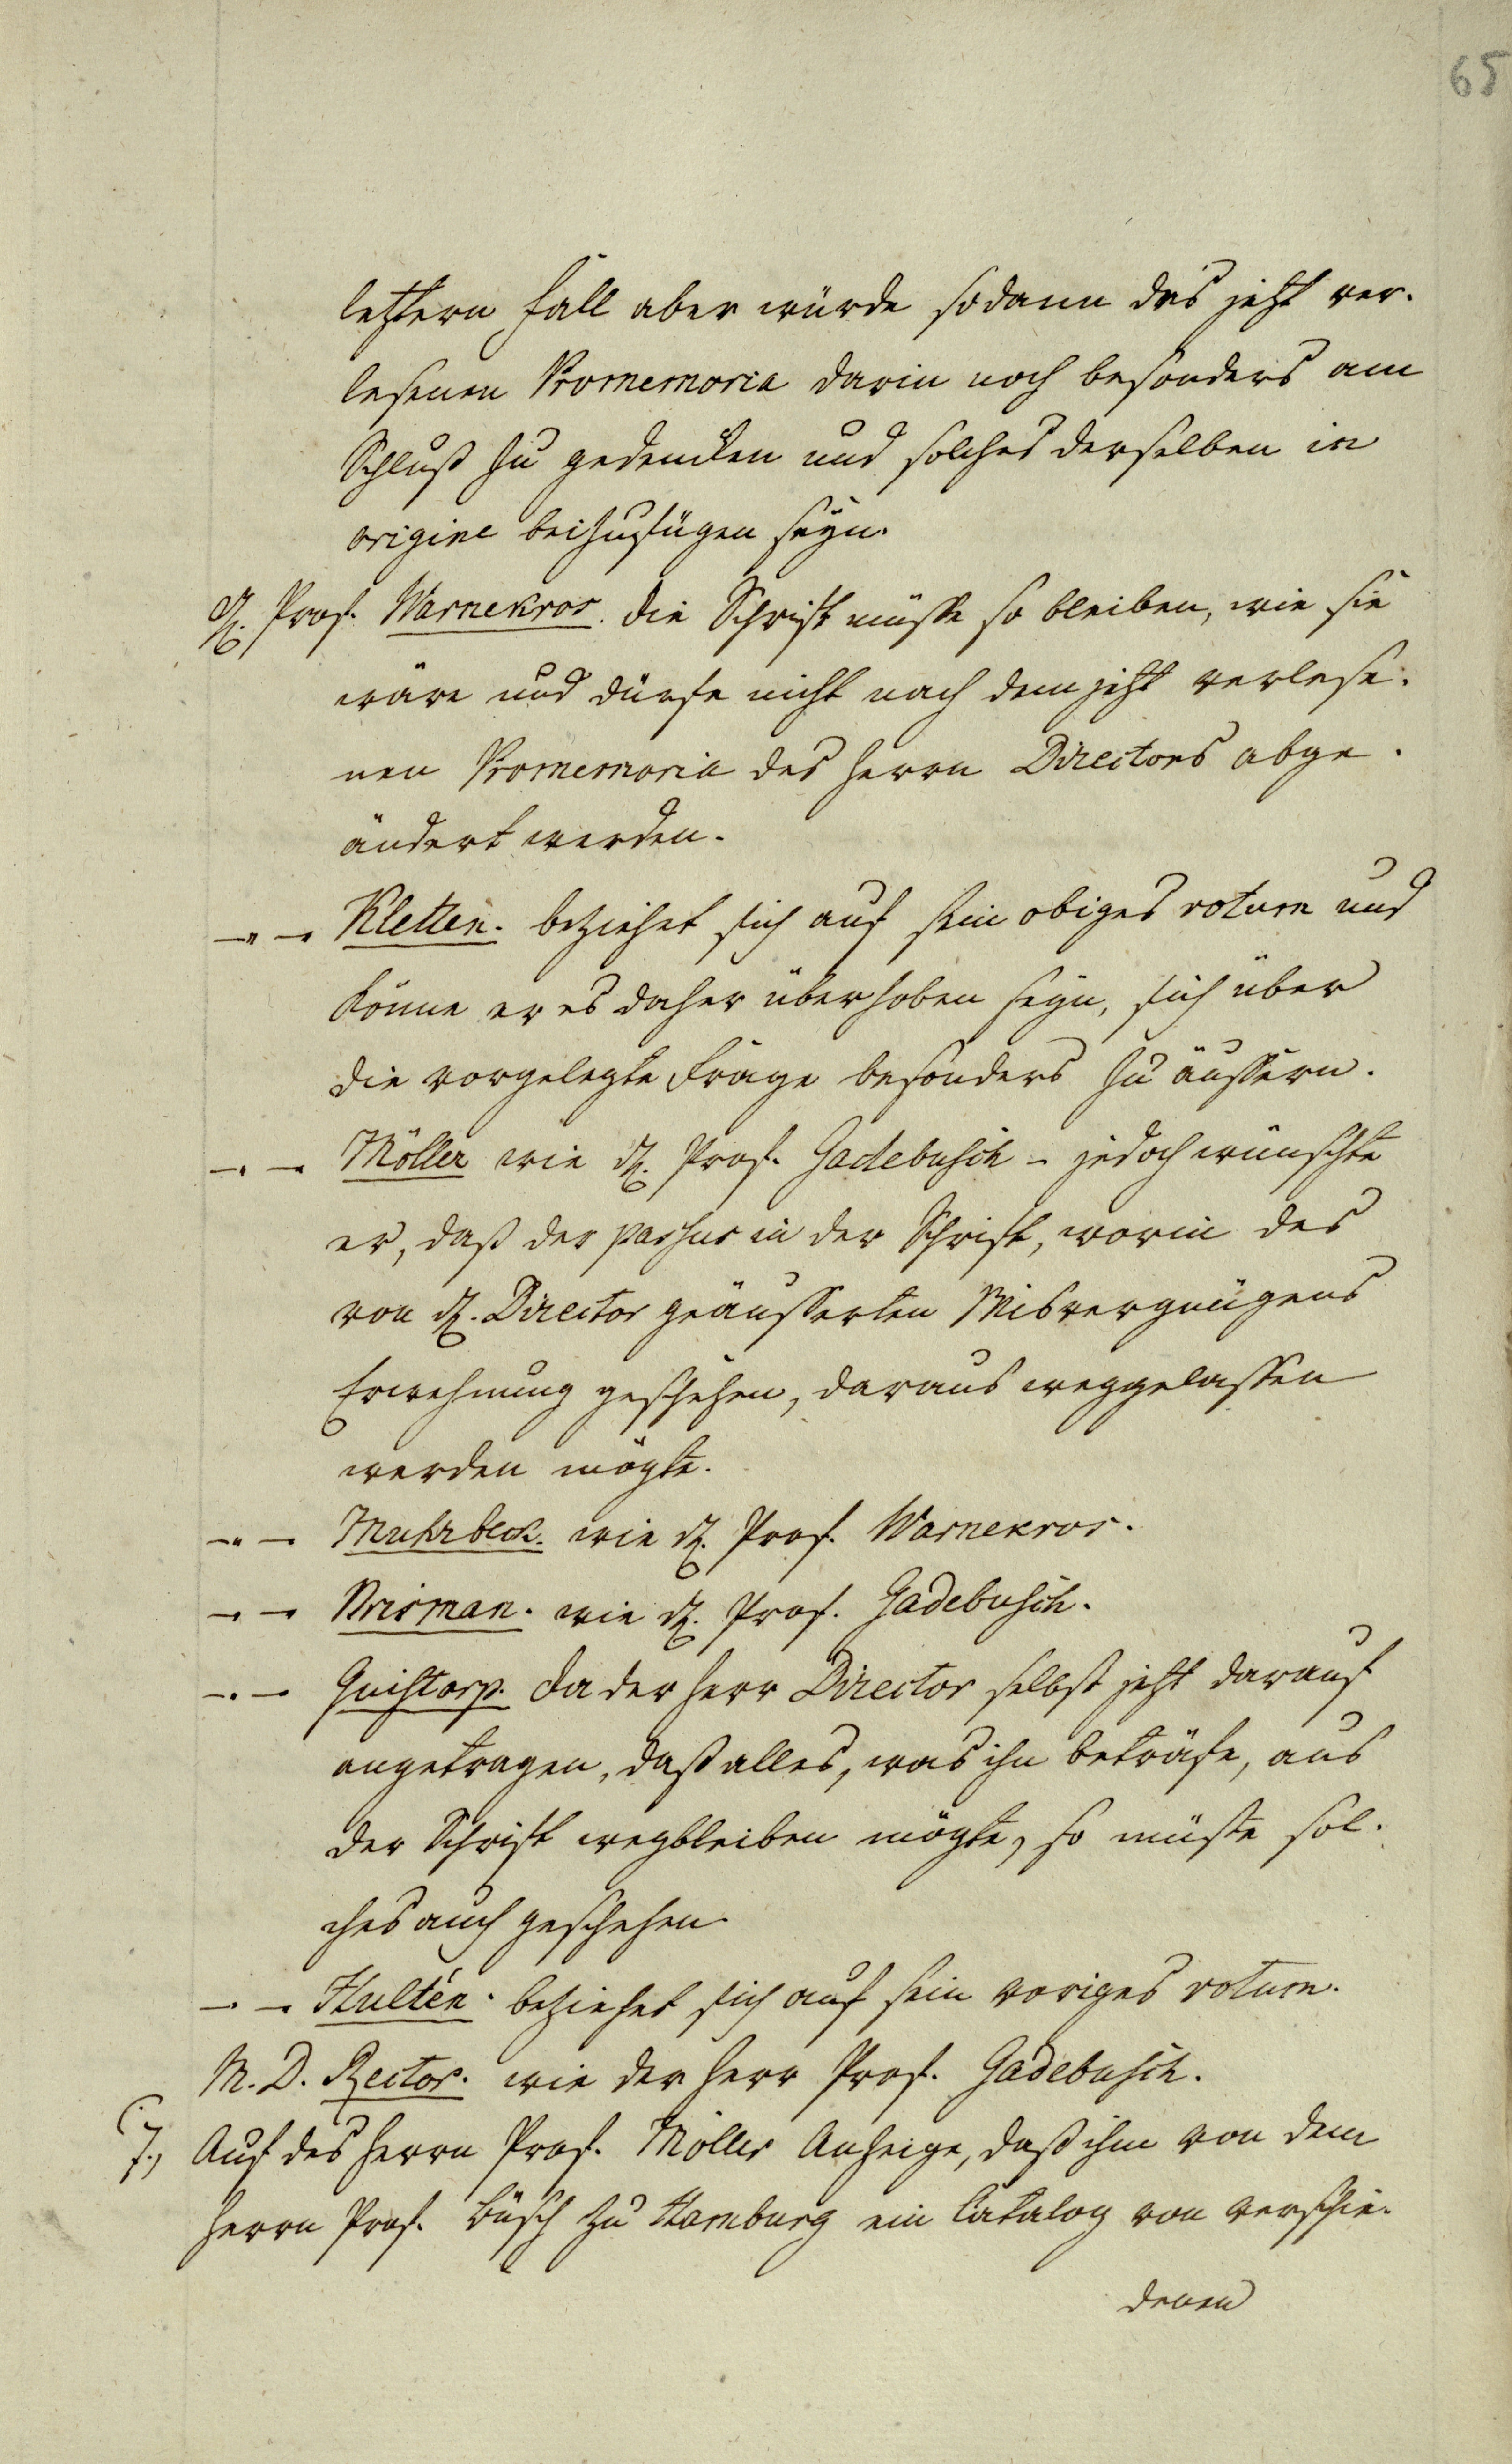letztern Fall aber würde so dann das jetzt ver¬
lesenen Promemoria darin noch besonders am
Schluß zu gedencken und solches derselben in
origine beizufügen seÿn.
Prof. Warnekros. Die Schrift müsse so bleiben, wie sie
wäre und dürfe nicht nach dem jetzt verlese¬
nen Promemoria des Herrn Directors abge¬
ändert werden.
Kletten. beziehet sich auf sein obiges votum und
könne er es daher überhoben seÿn, sich über
die vorgelegte Frage besonders zu äussern.
Möller wie dh. Prof. Gadebusch - jedoch wünschte
er, daß der passus in der Schrift, worin des
von dh. Director geäusserten Misvergnügens
Erwehnung geschehen, daraus weggelassen
werden mögte.
Muhrbeck. wie dh. Prof. Warnekros.
Brisman. wie dh. Prof. Gadebusch.
Quistorp. Da der Herr Director selbst jetzt darauf
angetragen, daß alles, was ihn beträfe, aus
der Schrift wegbleiben mögte, so müßte sol¬
ches auch geschehen.
Hultén. beziehet sich auf sein voriges votum.
M. D. Rector. wie der Herr Prof. Gadebusch.
7., Auf des Herrn Prof. Möller Anzeige, daß ihm von dem
Herrn Prof. Busch zu Hamburg ein Catalog von verschie¬
denen